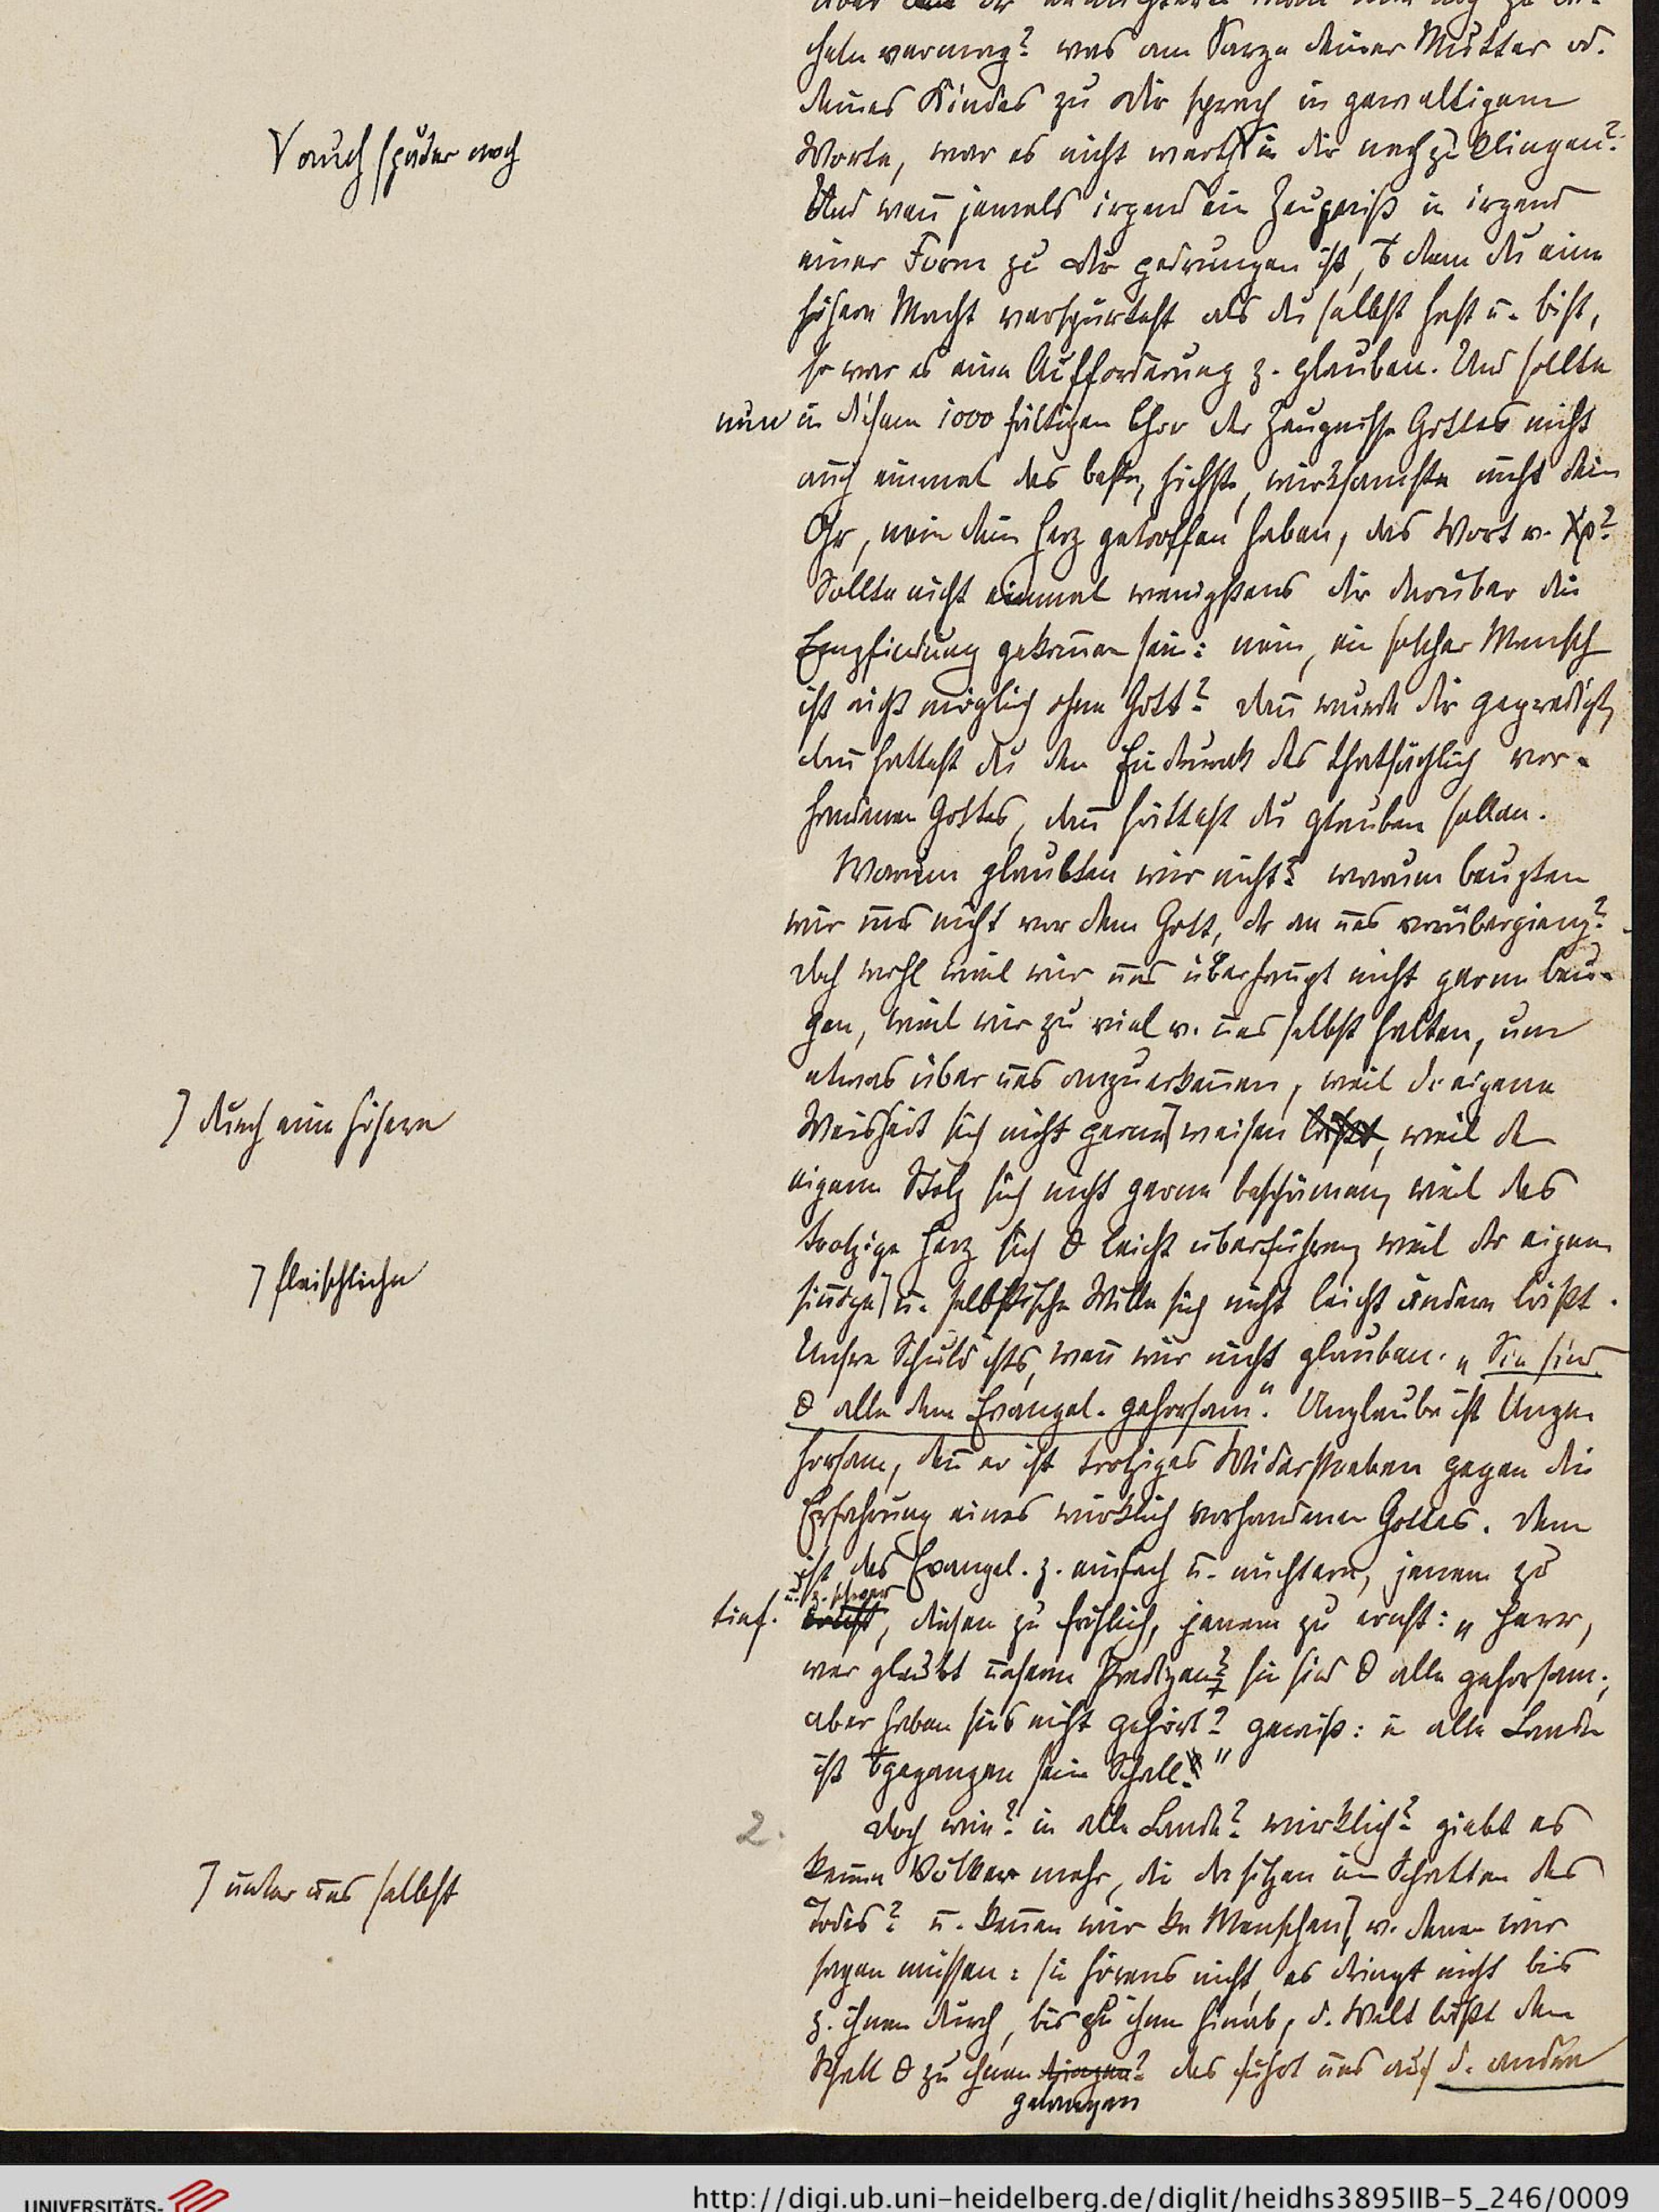V auch später noch
] durch eine höhere
] fleischliche
] unter uns selbst
tief.
2.
nun
chele vermag? was am Sarge deiner Mutter od.
deines Kindes zu Dir sprach in gewaltigem
Worte, war es nicht werth in dir nach zu klingen?
Und wen jemals irgend ein Zeugniß in irgend
einer Form zu Die gedrungen ist, s dem du eine
höhere Macht verspürtest als du selbst hast u. bist,
so war es eine Aufforderung z. glauben. Und sollte
in diesem 1000 fälltigen Chor der Zeugnisse Gottes nicht
auch einmal das beste, frischste, wirksamste nicht dein
Ohr, nein dein Herz getroffen haben, das Wort v. Χρ?
Sollte nicht einmal wenigstens dir darüber die
Empfindung gekommen sein: nein, ein solcher Mensch
ist nicht möglich ohne Gott? Dan wurde die gepredigt,
dann hattes du den Eindruck des thatsächlich vor¬
handenen Gottes, dann hättest du glauben sollen.
Warum glaubten wir nicht? warum beugten
wir uns nicht vor dem Gott, der an uns vorüberging?
Doch wohl weil wir uns überhaupt nicht gern beu¬
gen, weil wir zu viel v. uns selbst halten, um
etwas über uns anzuerkennen, weil d. eigene
Weisheit sich nicht gern ] weisen läßt, weil der
eigenen Stolz sich nicht gerne beschärmen, weil das
trotzige Herz sich o nicht leicht überführen, weil der eigene
sinige ] u. selbstisch Wille sich nicht leicht ändern läßt.
Unsere Schuld ists, wen wir nicht glauben. "Sie sind
o alle dem Evangel. gehorsam." Unglaube ist Unge¬
horsam, den er ist trotzigs Widerstreben gegen die
Erfahrung eines wirklich vorhandenen Gottes. Dem
ist das Evangel. z. einfach u. nüchtern, jenem zu
u. z. schwer
ernst, diesen zu fröhlich, jenen zu ernst: "Herr,
wer glaubt unserem Predigen? sie sind o alle gehorsam;
aber haben sies nicht gehört? genwiß.: in alle Lande
ist sgegangen sein Schall."
Doch wie? in alle Lande? wirklich? gibt es
keine Völker mehr, die dasitzen im Schatten des
Todes? u. kenen wir kn Menschen ], v. denen wir
sagen müssen: sie hörens nicht, es dringt nicht bis
z. ihnen durch, bis zu ihnen hinab, d. Welt läßt dem
Schall o zu ihnen drönen? das führt uns auf d. anderen
gelangen